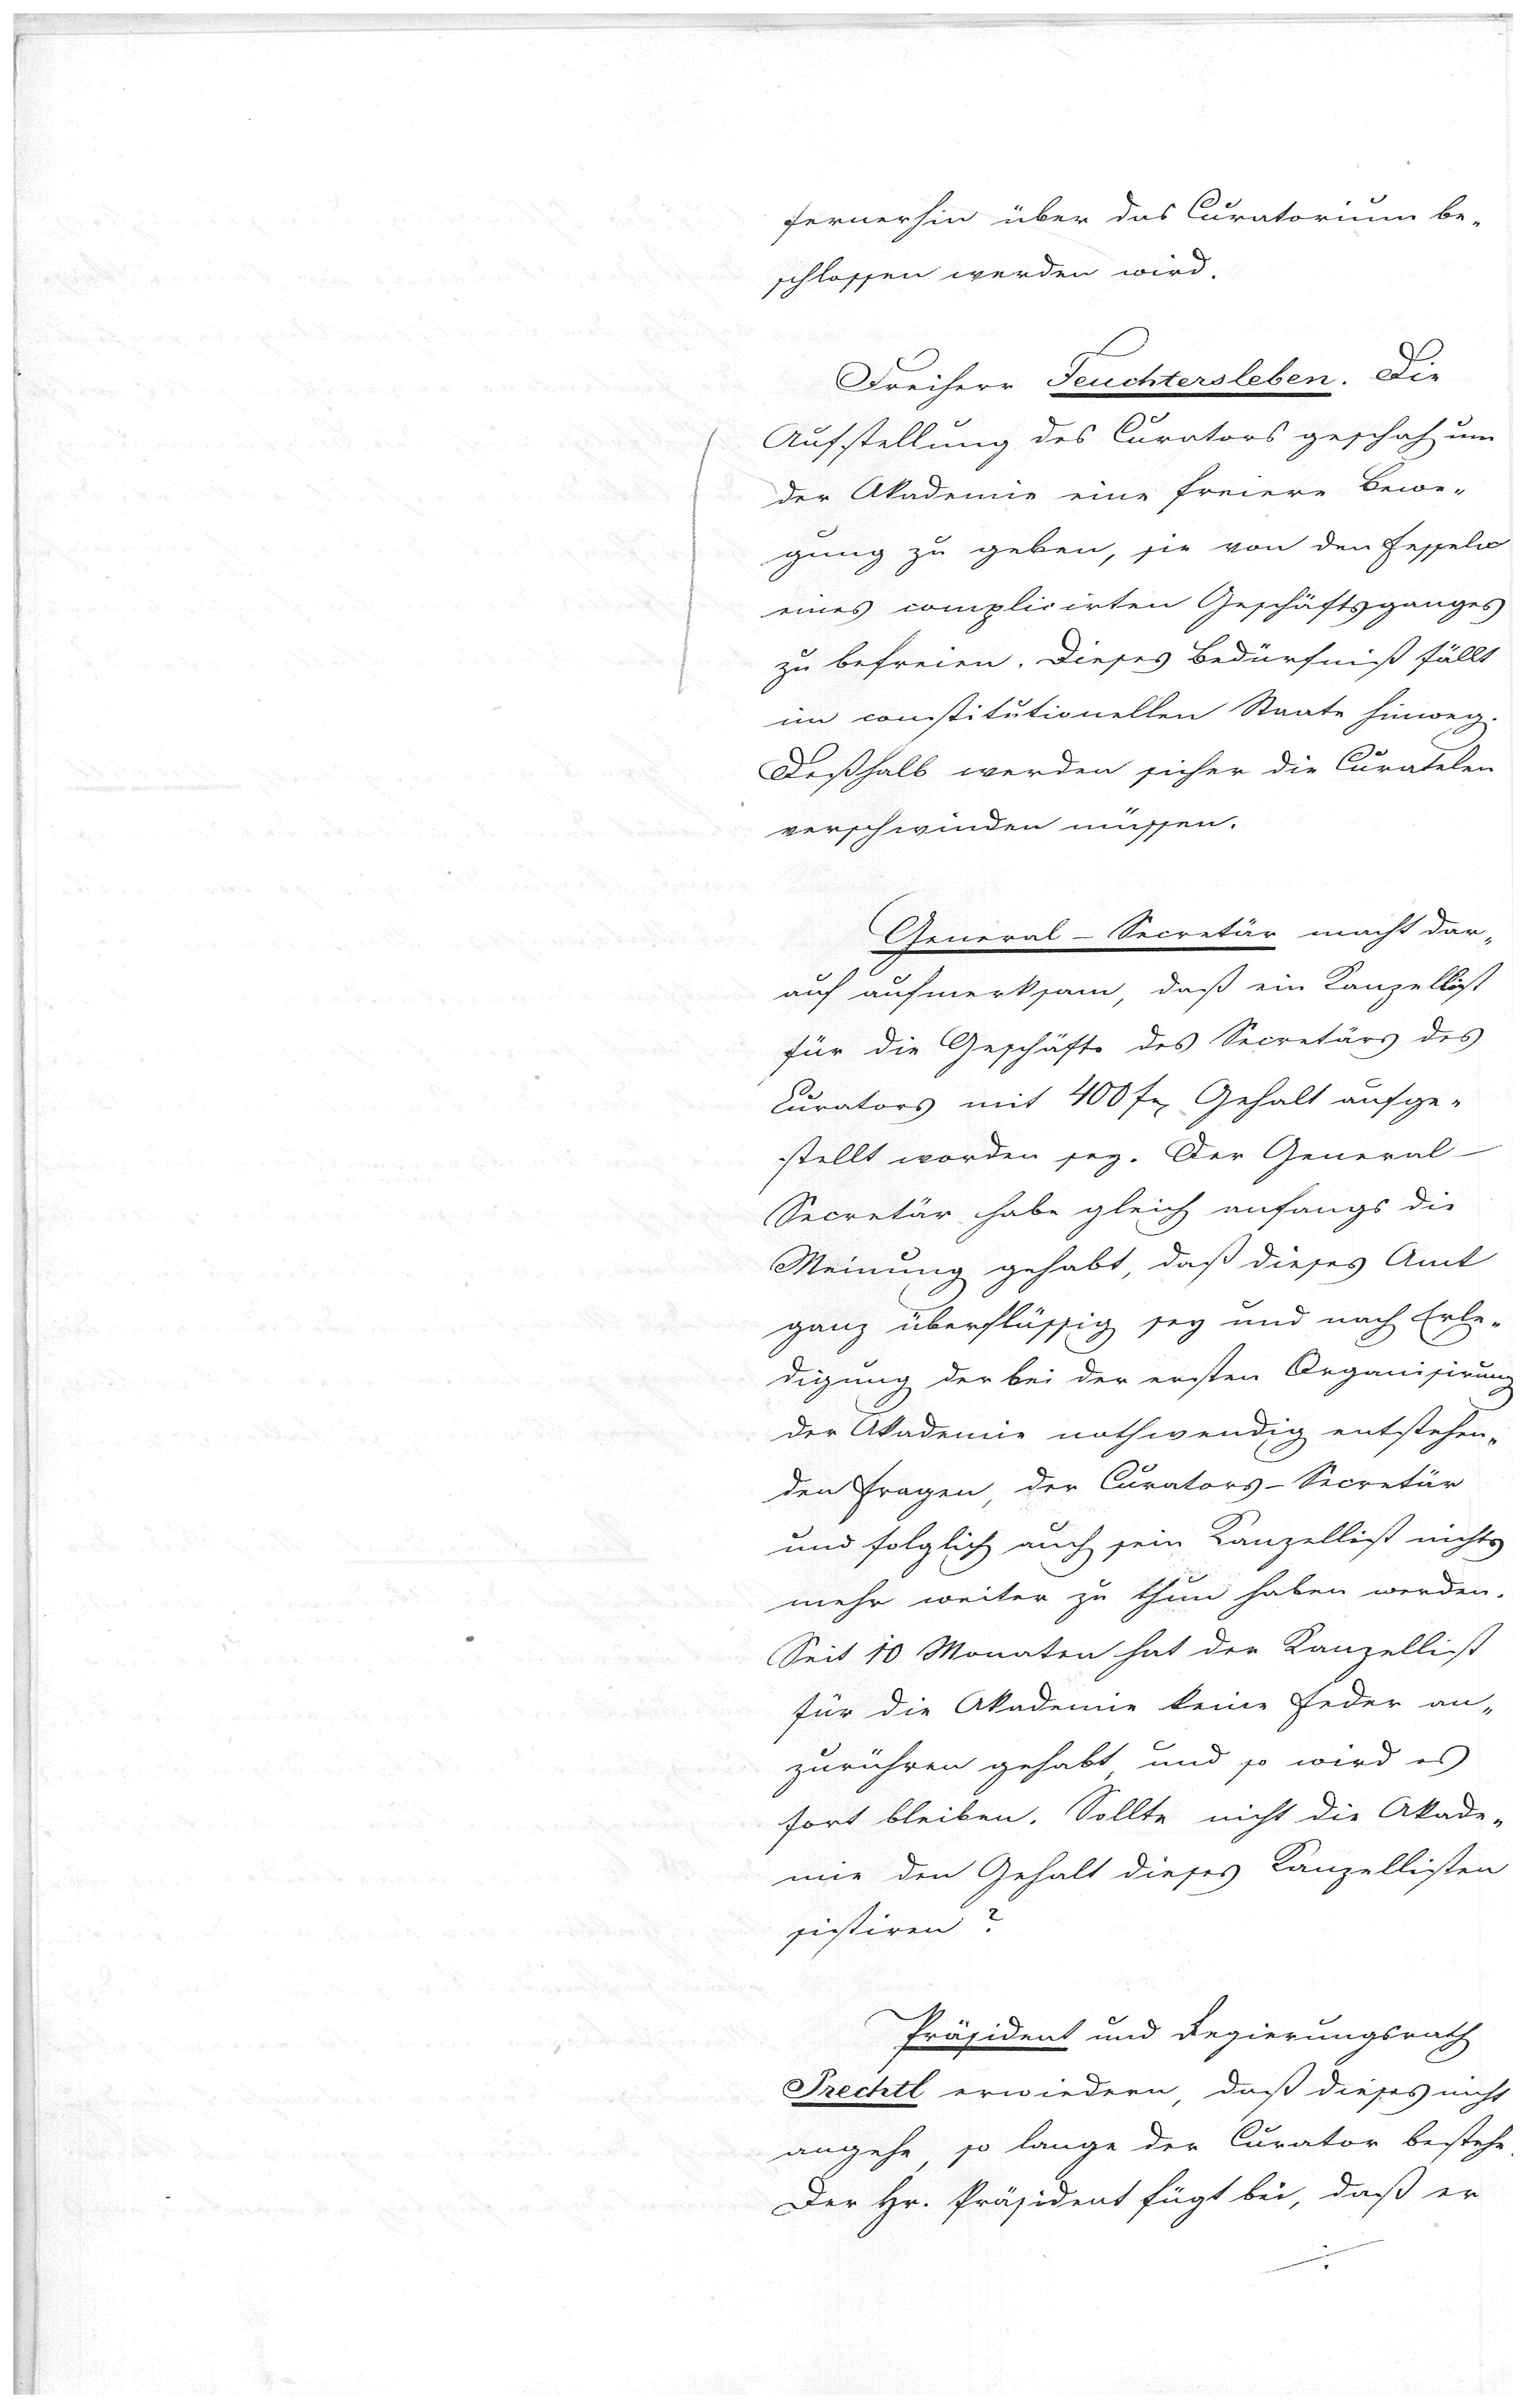fernerhin über das Curatorium be-
schlossen werden wird.
Freiherr Feuchtersleben. Die
Aufstellung des Curators geschah um
der Akademie eine freiere Bewe-
gung zu geben, sie von den Fesseln
eines complicirten Geschäftsganges
zu befreien. Dieses Bedürfniß fällt
im constitutionellen Staate hinweg.
Deßhalb werden sicher die Curatelen
verschwinden müssen.
General-Secretär macht dar-
auf aufmerksam, daß ein Kanzellist
für die Geschäfte des Secretärs des
Curators mit 400 fl Gehalt aufge-
stellt worden sey. Der General-
Secretär habe gleich anfangs die
Meinung gehabt, daß dieses Amt
ganz überflüssig sey und nach Erle-
digung der bei der ersten Organisierung
der Akademie nothwendig entstehten-
den Fragen der Curators-Secretär
und folglich auch sein Kanzellist nichts
mehr weiter zu thun haben werden.
Seit 10 Monaten hat der Kanzellist
für die Akademie keine Feder an-
zurühren gehabt und so wird es
fort bleiben. Sollte nicht die Akade-
mie den Gehalt dieses Kanzellisten
sistiren?
Präsident und Regierungsrath
Prechtl erwiedern, daß dieses nicht
angehe, so lange der Curator bestehe.
Der Hr. Präsident fügt bei, daß er